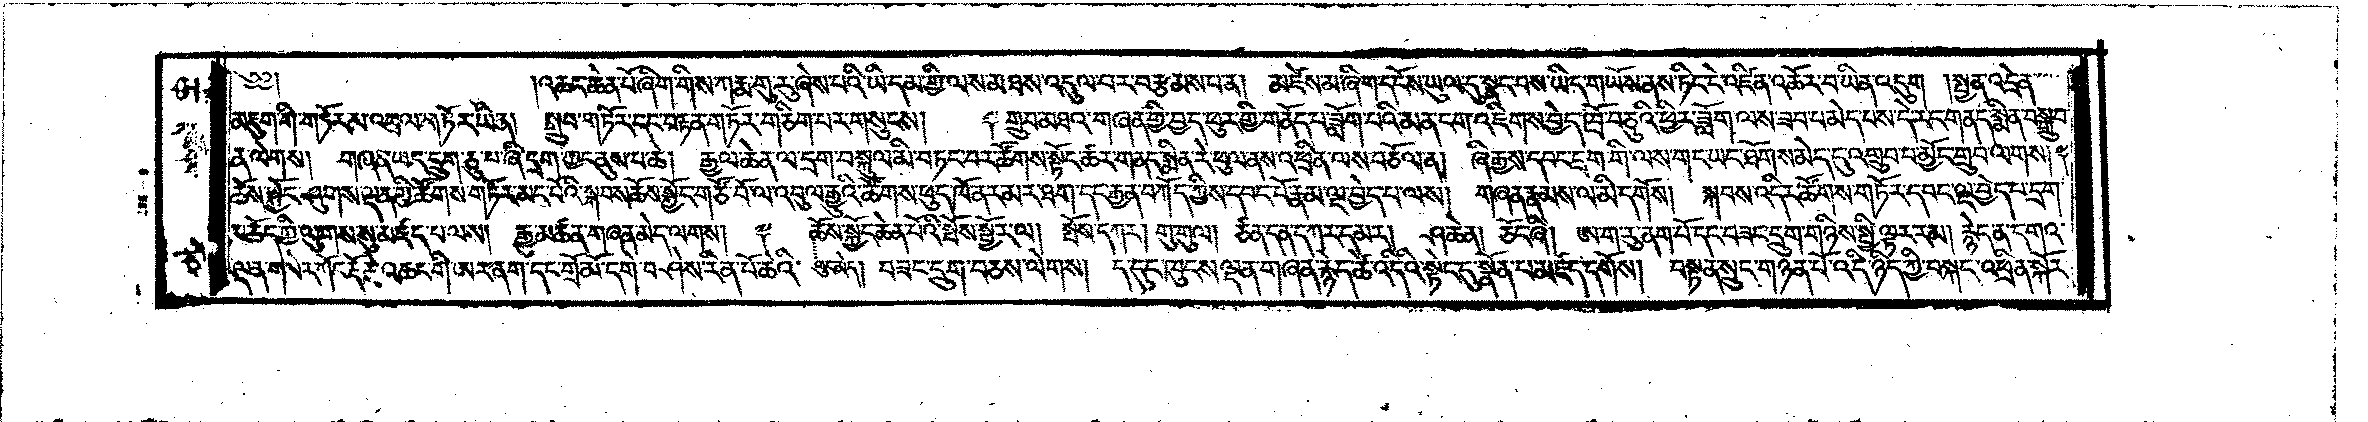༄༅། །འཆང་ཆེན་པོ་ཞིག་གིས་ཀརྨ་གུ་རུ་ཞེས་པའི་ཡི་དམ་གྱི་ལས་མཐས་འདུལ་བར་བརྩམས་པ་ན། མཛེས་མ་ཞིག་དངོས་ཡུལ་དུ་སྣང་བས་ཡིད་གཡོས་ནས་ཏིང་ངེ་འཛིན་འཆོར་བ་ཡིན་འདུག །སྤྱན་འདྲེན་
མཇུག་གི་གཏོར་མ་འཕྲལ་གཏོར་ཡིན། སྒྲུབ་གཏོར་དང་བརྟན་གཏོར་གཅིག་པར་གསུངས། ༈ གྲུབ་མཐའ་གཞན་གྱི་བྱད་ཕུར་གྱི་གནོད་པ་ཟློག་པའི་མན་ངག་འཇིགས་བྱེད་ཁྲོ་བཅུའི་ཕྱིར་ཟློག་ལས་ཟབ་པ་མེད་པས་དེ་རང་གནད་སྨིན་བསྒྲུབ་
ན་ལེགས། གཞན་ཡང་དྲུག་ཅུ་པ་ཞི་དྲག་ཀྱང་ནུས་པ་ཆེ། རྒྱལ་ཆེན་ལ་དྲག་བསྐུལ་མི་བཏང་བར་ཚོགས་སྟོང་ཚར་གནད་སྨིན་རེ་ཕུལ་ནས་འཕྲིན་ལས་བཅོལ་ན། ཞི་རྒྱས་དབང་དྲག་གི་ལས་གང་ཡང་ཐོགས་མེད་དུ་འགྲུབ་བ་མྱོང་གྲུབ་ལགས། ༈
ཆོས་སྐྱོང་ཤུགས་ལྡན་གྱི་ཚོགས་གཏོར་མང་བོའི་སྐབས་ཆོས་སྐྱོང་གཙོ་བོ་ལ་འབུལ་རྒྱུའི་ཚོགས་ཕུད་ཁོ་ནར་མར་ཐག་དང་རྒྱན་བཀོད་ཀྱིས་དབང་པོ་རྣམ་ལྔ་བྱེད་པ་ལས། གཞན་རྣམས་ལ་མི་དགོས། སྐབས་འདིར་ཚོགས་གཏོར་དབང་ལྔ་བྱེད་པ་དྲག་
མཆོད་ཀྱི་ལུགས་སུ་མཛད་པ་ལས། རྒྱུ་མཚན་གཞན་མེད་ལགས། ༈ ལུང་མེད།  ཆོས་སྐྱོང་ཆེན་པོའི་སྤོས་སྦྱོར་ལ། སྤོས་དཀར། གུ་གུལ། ཙན་དན་དཀར་དམར། ཤ་ཆེན། ཅོང་ཞི། ཨ་ག་རུ་ནག་པོ་དང་བཟང་དྲུག་གཉིས་སྤྱི་ལྟར་རམ། རྙེད་ན་དགའ་
ལྡན་གསེར་ཀོང་རྡོ་རྗེ་འཆང་གི་ཨར་ནག་དང་གྲོ་མོ་དགེ་བཤེས་རིན་པོ་ཆེའི་བཟང་དྲུག་བཅས་ལེགས། ད་དུང་ཁུངས་ལྡན་གཞན་རྙེད་ཚེ་འདིའི་སྟེང་དུ་སྣོན་པ་མཛད་དགོས། བསྟན་སྲུང་གཉན་པོ་འདི་ཉིད་ཀྱི་བསྐང་འཕྲིན་སྐོར་